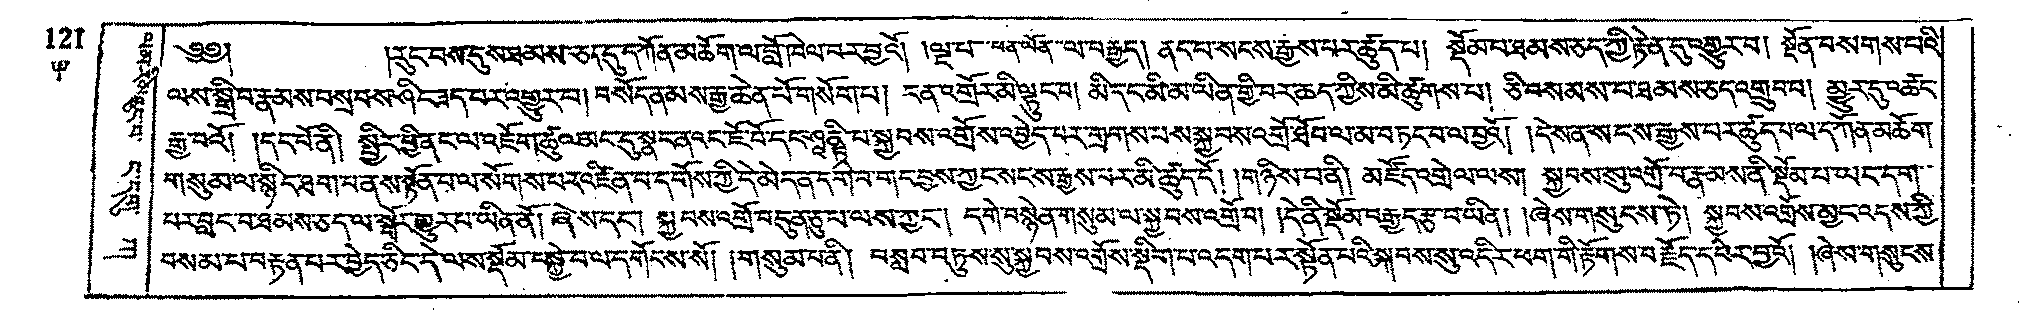༄༅། །རུང་བས་དུས་ཐམས་ཅད་དུ་དཀོན་མཆོག་ལ་བློ་ཁེལ་བར་བྱའོ། །ལྔ་པཕན་ཡོནླ་བརྒྱད། ནང་པ་སངས་རྒྱས་པར་ཚུད་པ། སྡོམ་པ་ཐམས་ཅད་ཀྱི་རྟེན་དུ་འགྱུར་བ། སྔོན་བསགས་པའི་
ལས་སྒྲིབ་རྣམས་བསྲབས་ཤིང་ཟད་པར་འགྱུར་བ། བསོད་ནམས་རྒྱ་ཆེན་པོ་གསོག་པ། ངན་འགྲོར་མི་ལྟུང་བ། མི་དང་མི་མ་ཡིན་གྱི་བར་ཆད་ཀྱིས་མི་ཚུགས་པ། ཅི་བསམས་པ་ཐམས་ཅད་འགྲུབ་པ། མྱུར་དུ་འཚང་
རྒྱ་བའོ། །དང་པོ་ནི། སྤྱིར་ཕྱི་ནང་ལ་འཇོག་ཚུལ་མང་དུ་སྣང་ནའང་ཇོ་བོ་དང་ཤཱནྟི་པ་སྐྱབས་འགྲོས་འབྱེད་པར་གྲགས་པས་སྐྱབས་འགྲོ་ཐོབ་ལ་མ་བཏང་བ་ལ་བྱའོ། །དེས་ན་སངས་རྒྱས་པར་ཚུད་པ་ལ་དཀོན་མཆོག་
གསུམ་ལ་སྙིང་ཐག་པ་ནས་སྟོན་པ་ལ་སོགས་པར་འཛིན་པ་དགོས་ཀྱི་དེ་མེད་ན་དགེ་བ་གང་བྱས་ཀྱང་སངས་རྒྱས་པར་མི་ཚུད་དོ། །གཉིས་པ་ནི། མཛོད་འགྲེལ་ལས། སྐྱབས་སུ་འགྲོ་བ་རྣམས་ནི་སྡོམ་པ་ཡང་དག་
པར་བླང་བ་ཐམས་ཅད་ལ་སྒོར་གྱུར་པ་ཡིན་ནོ། །ཞེས་དང་། སྐྱབས་འགྲོ་བདུན་ཅུ་པ་ལས་ཀྱང་། དགེ་བསྙེན་གསུམ་ལ་སྐྱབས་འགྲོ་བ། །དེ་ནི་སྡོམ་བརྒྱད་རྩ་བ་ཡིན། །ཞེས་གསུངས་ཏེ། སྐྱབས་འགྲོས་མྱང་འདས་ཀྱི་
བསམ་པ་བརྟན་པར་བྱེད་ཅིང་དེ་ལས་སྡོམ་པ་སྐྱེ་བ་ལ་དགོངས་སོ། །གསུམ་པ་ནི། བསླབ་བཏུས་སུ་སྐྱབས་འགྲོས་སྡིག་པ་འདག་པར་སྟོན་པའི་སྐབས་སུ་འདིར་ཕག་གི་རྟོགས་བརྗོད་དཔེར་བྱའོ། །ཞེས་གསུངས་